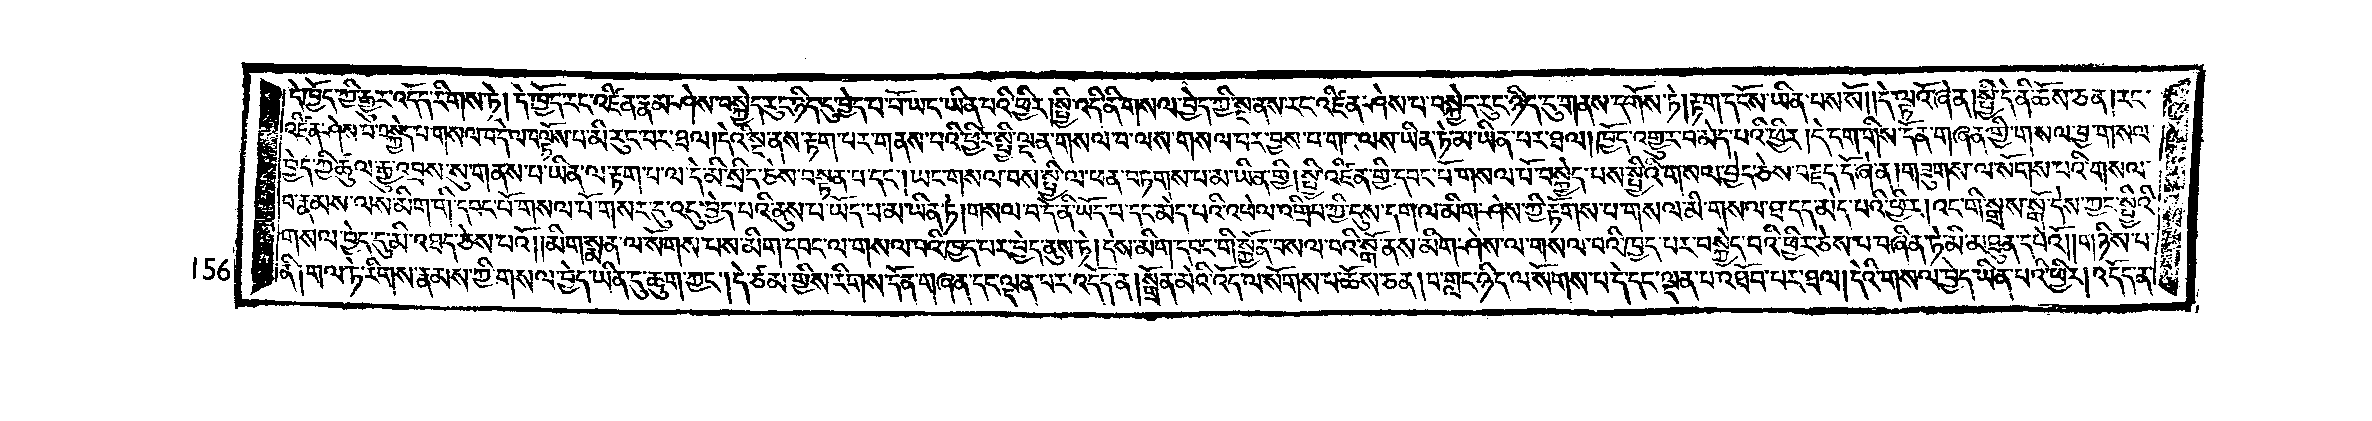དེ་ཁྱོད་ཀྱི་རྒྱུར་འདོད་རིགས་ཏེ། དེ་ཁྱོད་རང་འཛིན་རྣམ་ཤེས་བསྐྱེད་རུང་ཉིད་དུ་བྱེད་པ་པོ་ཡང་ཡིན་པའི་ཕྱིར། སྤྱི་འདི་ནི་གསལ་བྱེད་ཀྱི་སྔ་ནས་རང་འཛིན་ཤེས་པ་བསྐྱེད་རུང་ཉིད་དུ་གནས་དགོས་ཏེ། རྟག་དངོས་ཡིན་པས་སོ། །དེ་ལྟའོ་ཞེ་ན། སྤྱི་དེ་ནི་ཆོས་ཅན། རང་
འཛིན་ཤེས་པ་བསྐྱེད་པ་གསལ་བ་དེ་ལ་བལྟོས་པ་མི་རུང་བར་ཐལ། དེའི་སྔ་ནས་རྟག་པར་གནས་པའི་ཕྱིར་སྤྱི་ལྡན་གསལ་བ་ལས་གསལ་པར་བྱས་པ་གང་ལས་ཡིན་ཏེ་མ་ཡིན་པར་ཐལ། ཁྱོད་འགྱུར་བ་མེད་པའི་ཕྱིར། དེ་དག་གིས་དོན་གཞན་གྱི་གསལ་བྱ་གསལ་
བྱེད་ཀྱི་ཚུལ་རྒྱུ་འབྲས་བུ་གནས་པ་ཡིན་ལ་རྟག་པ་ལ་དེ་མི་སྲིད་ཅེས་བསྟན་པ་དང་། ཡང་གསལ་བས་སྤྱི་ལ་ཕན་བཏགས་པ་མ་ཡིན་གྱི། སྤྱི་འཛིན་གྱི་དབང་པོ་གསལ་པོ་བསྐྱེད་པས་སྤྱིའི་གསལ་བྱེད་ཅེས་བརྗོད་དོ་ཞེ་ན། གཟུགས་ལ་སོགས་པའི་གསལ་
བ་རྣམས་ལས་མིག་གི་དབང་པོ་གསལ་པོ་གསར་དུ་འདུ་བྱེད་པའི་ནུས་པ་ཡོད་པ་མ་ཡིན་ཏེ། གསལ་བ་དེ་ནི་ཡོད་པ་དང་མེད་པའི་འཕེལ་འགྲིབ་ཀྱི་དུས་དག་ལ་མིག་ཤེས་ཀྱི་རྟོགས་པ་གསལ་མཾ་གསལ་ཐ་དད་མེད་པའི་ཕྱིར། འང་གི་སྒྲས་སྒོ་དེས་ཀྱང་སྤྱིའི་
གསལ་བྱེད་དུ་མི་འཐད་ཅེས་པའོ། །མིག་སྨན་ལ་སོགས་པས་མིག་དབང་ལ་གསལ་བའི་ཁྱད་པར་བྱེད་ནུས་ཏེ། དེས་མིག་དབང་གི་སྐྱོན་བསལ་བའི་སྒོ་ནས་མིག་ཤེས་ལ་གསལ་བའི་ཁྱད་པར་བསྐྱེད་པའི་ཕྱིར་ཅེས་པ་བཞིན་ཏེ་མི་མཐུན་དཔེའོ། །གཉིས་པ་
ནི། གལ་ཏེ་རིགས་རྣམས་ཀྱི་གསལ་བྱེད་ཡིན་དུ་ཆུག་ཀྱང་། དེ་ཙམ་གྱིས་རིགས་དོན་གཞན་དང་ལྡན་པར་འདོད་ན། སྒྲོན་མེའི་འོད་ལ་སོགས་པ་ཆོས་ཅན། བ་གླང་ཉིད་ལ་སོགས་པ་དེ་དང་ལྡན་པ་འཐོབ་པར་ཐལ། དེའི་གསལ་བྱེད་ཡིན་པའི་ཕྱིར། འདོད་ན་